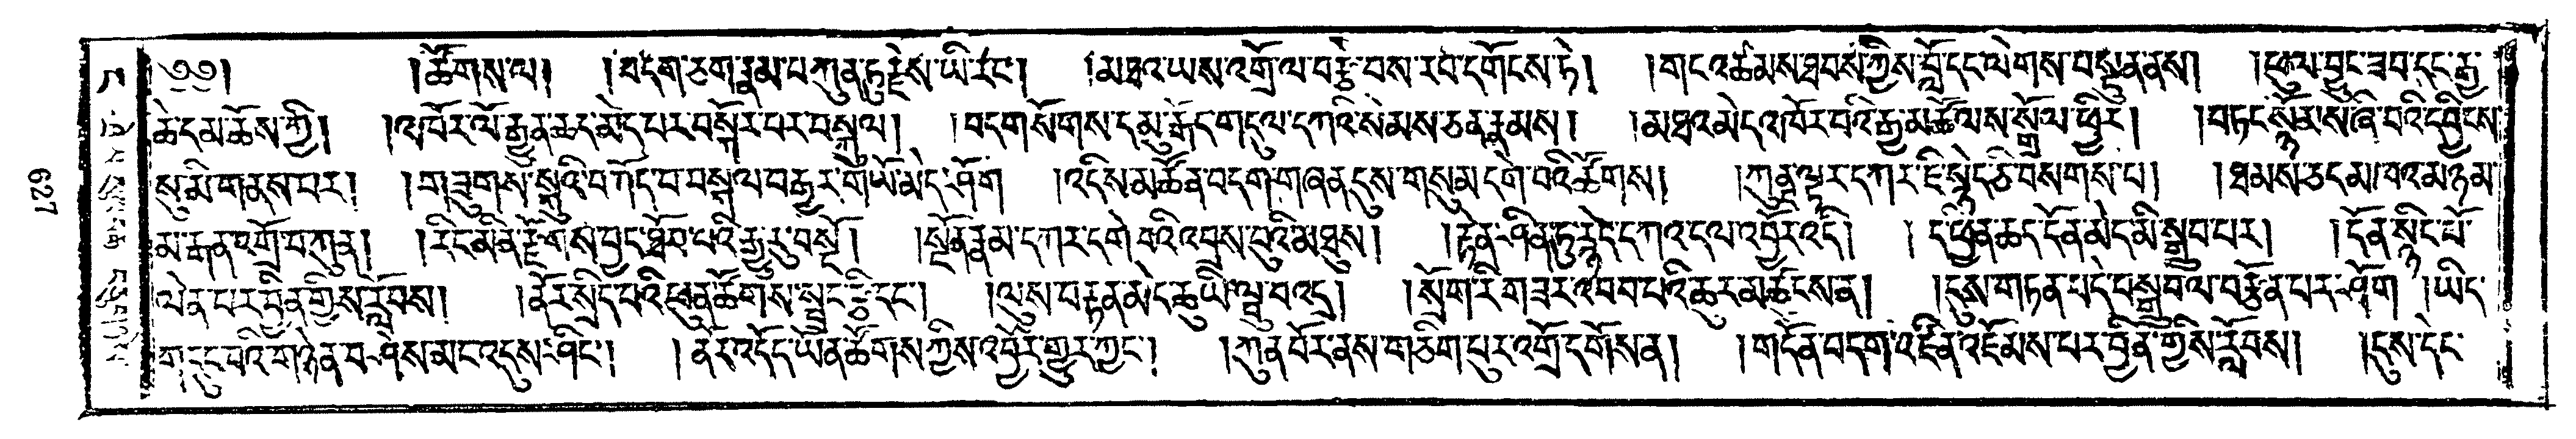༄༅། །ཚོགས་ལ། །བདག་ཅག་རྣམ་པ་ཀུན་ཏུ་རྗེས་ཡི་རང་། །མཐའ་ཡས་འགྲོ་ལ་བརྩེ་བས་རབ་དགོངས་ཏེ། །གང་འཚམས་ཐབས་ཀྱིས་བློ་དང་ལེགས་བསྡུན་ནས། །ཕུལ་བྱུང་ཟབ་དང་རྒྱ་
ཆེ་དམ་ཆོས་ཀྱི། །འཁོར་ལོ་རྒྱུན་ཆད་མེད་པར་བསྐོར་བར་བསྐུལ། །བདག་སོགས་དམུ་རྒོད་གདུལ་དཀའི་སེམས་ཅན་རྣམས། །མཐའ་མེད་འཁོར་བའི་རྒྱ་མཚོ་ལས་སྒྲོལ་ཕྱིར། །བཏང་སྙོམས་ཞི་བའི་དབྱིངས་
སུ་མི་གནས་པར། །གཟུགས་སྐུའི་བཀོད་པ་བསྐལ་བརྒྱར་གཡོ་མེད་ཤོག །འདིས་མཚོན་བདག་གཞན་དུས་གསུམ་དགེ་བའི་ཚོགས། །ཀུནྡ་ལྟར་དཀར་ཇི་སྙེད་ཅི་བསགས་པ། །ཐམས་ཅད་མཁའ་མཉམ་
མ་རྒན་འགྲོ་བ་ཀུན། །རིང་མིན་རྫོགས་བྱང་ཐོབ་པའི་རྒྱུ་རུ་བསྔོ། །སྔོན་རྣམ་དཀར་དགེ་བའི་འབྲས་བུའི་མཐུས། །རྟེན་ཤིན་ཏུ་རྙེད་དཀའ་དལ་འབྱོར་འདི། །ད་ཕྱིན་ཆད་དོན་མེད་མི་སྒྲུབ་པར། །དོན་སྙིང་པོ་
ལེན་པར་བྱིན་གྱིས་རློབས། །ནོར་སྲིད་པའི་ཕུན་ཚོགས་སྦྲང་རྩི་དང་། །ལུས་བརྟན་མེད་ཆུ་ཡི་ལྦུ་བ་འདྲ། །སྲོག་རི་གཟར་འབབ་པའི་ཆུར་མཚུངས་ན། །དུས་གཏན་བདེ་བསྒྲུབ་ལ་བརྩོན་པར་ཤོག །ཡིད་
གདུང་བའི་གཉེན་བཤེས་མང་འདུས་ཤིང་། །ནོར་འདོད་ཡོན་ཚོགས་ཀྱིས་འབྱོར་གྱུར་ཀྱང་། །ཀུན་བོར་ནས་གཅིག་པུར་འགྲོ་དགོས་ན། །གདོན་བདག་འཛིན་འཇོམས་པར་བྱིན་གྱིས་རློབས། །དུས་དེང་